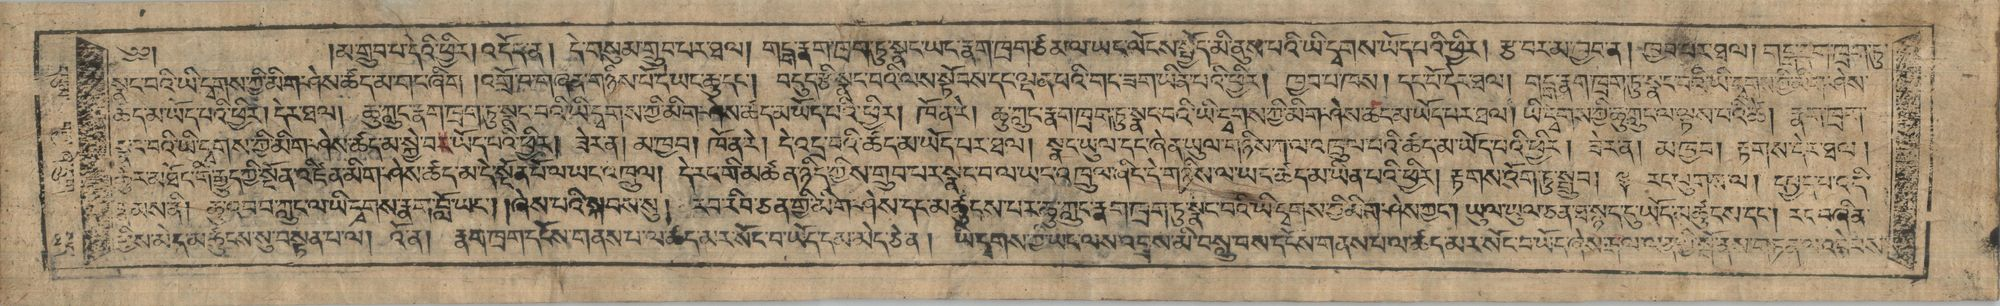༄༅། །མ་གྲུབ་པ་དེའི་ཕྱིར། འདོད་ན། དེ་གསུམ་གྲུབ་པར་ཐལ། གངྒརྣག་ཁྲག་ཏུ་སྣང་ཡང་རྣག་ཁྲག་ཙམ་ལ་ཡང་ལོངས་སྤྱོད་མི་ནུས་པའི་ཡི་དྭགས་ཡོད་པའི་ཕྱིར། རྩ་བར་མ་ཁྱབ་ན། ཁྱབ་པར་ཐལ། གངྒརྣག་ཁྲག་ཏུ་
སྣང་བའི་ཡི་དྭགས་ཀྱི་མིག་ཤེས་ཚད་མ་གང་ཞིག །འགྲོ་བ་གཞན་གཉིས་པོ་དེ་ཡང་ཆུ་དང་། བདུད་རྩི་སྣང་བའི་ལས་སྟོབས་དང་ལྡན་པའི་གང་ཟག་ཡིན་པའི་ཕྱིར། ཁྱབ་པ་ཁས། དང་པོ་དེར་ཐལ། གངྒརྣག་ཁྲག་ཏུ་སྣང་བའི་ཡི་དྭགས་ཀྱི་མིག་ཤེས་
ཚད་མ་ཡོད་པའི་ཕྱིར། དེར་ཐལ། ཆུ་ཀླུང་རྣག་ཁྲག་ཏུ་སྣང་བའི་ཡི་དྭགས་ཀྱི་མིག་ཤེས་ཚད་མ་ཡོད་པའི་ཕྱིར། ཁོ་ན་རེ། ཆུ་ཀླུང་རྣག་ཁྲག་ཏུ་སྣང་བའི་ཡི་དྭགས་ཀྱི་མིག་ཤེས་ཚད་མ་ཡོད་པར་ཐལ། ཡི་དྭགས་ཀྱིས་ཆུ་ཀླུང་ལ་བལྟས་པའི་ཚེ། རྣག་ཁྲག་
སྣང་བའི་ཡི་དྭགས་ཀྱི་མིག་ཤེས་ཚད་མ་སྐྱེ་བ་ཡོད་པའི་ཕྱིར། ཟེར་ན། མ་ཁྱབ། ཁོ་ན་རེ། དེ་འདྲ་བའི་ཚད་མ་ཡོད་པར་ཐལ། སྣང་ཡུལ་དང་ཞེན་ཡུལ་གཉིས་ཀ་ལ་འཁྲུལ་པའི་ཚད་མ་ཡོད་པའི་ཕྱིར། ཟེར་ན། མ་ཁྱབ། རྟགས་དེར་ཐལ།
ཚུར་མཐོང་གི་རྒྱུད་ཀྱི་སྔོན་འཛིན་མིག་ཤེས་ཚད་མ་དེ་སྔོན་པོ་ལ་ཡང་འཁྲུལ། དེ་རང་གི་མཚན་ཉིད་ཀྱིས་གྲུབ་པར་སྣང་བ་ལ་ཡང་འཁྲུལ་ཞིང་དེ་གཉིས་ལ་ཡང་ཚད་མ་ཡིན་པའི་ཕྱིར། རྟགས་འོག་ཏུ་སྒྲུབ། ༈ རང་ལུགས་ལ། དཔྱད་པ་འདི་
རྣམས་ནི། ཆུ་འབབ་ཀླུང་ལ་ཡི་དྭགས་རྣག་བློ་ཡང་། །ཞེས་པའི་སྐབས་སུ། རབ་རིབ་ཅན་གྱི་མིག་ཤེས་དང་མཚུངས་པར་ཆུ་ཀླུང་རྣག་ཁྲག་ཏུ་སྣང་བའི་ཡི་དྭགས་ཀྱི་མིག་ཤེས་ཀྱང་། ཡུལ་ཡུལ་ཅན་ཐ་སྙད་དུ་ཡོད་མཚུངས་དང་། རང་བཞིན་
གྱིས་མེད་མཚུངས་སུ་བསྟན་པ་ལ། འོ་ན། རྣག་ཁྲག་དངོས་གནས་པ་ལ་ཚད་མར་སོང་བ་ཡོད་དམ་མེད་ཅེ་ན། ཡི་དྭགས་ཀྱི་ཡང་ལས་འབྲས་མི་བསླུ་བས་དངོས་གནས་པ་ལ་ཚད་མར་སོང་བ་ཡོད་ཞེས་རྒལ་ལན་གྱི་སྒོ་ནས་གཏན་ལ་འབེབས་